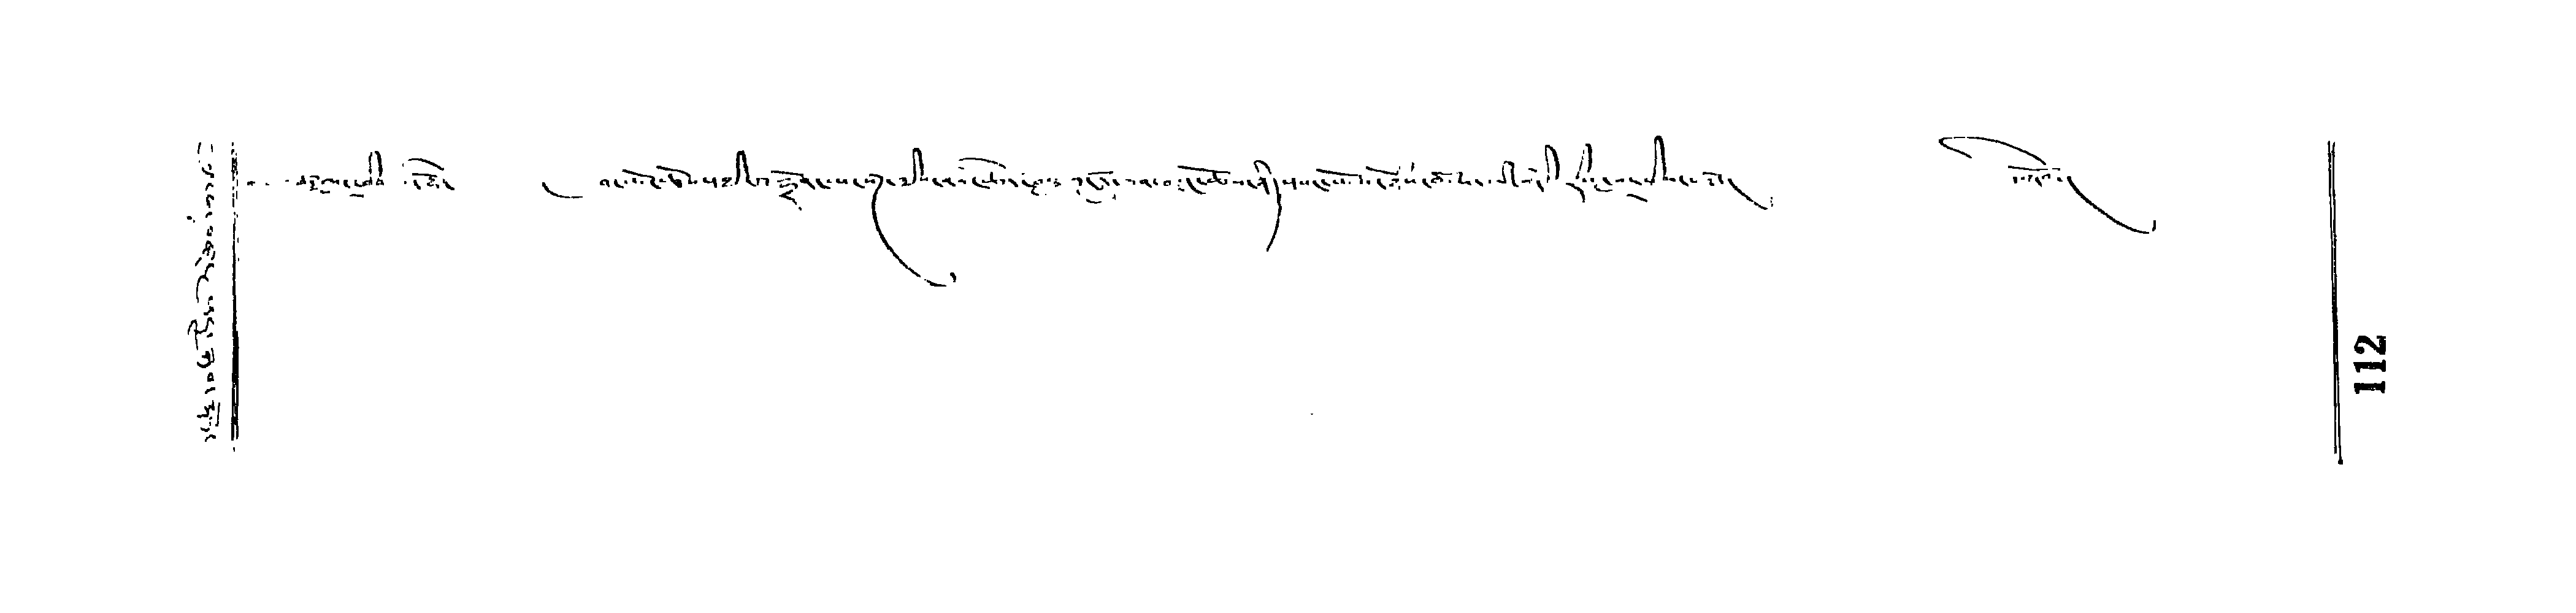གནས་ཚུལ་ཁྲིམས་རྡོ་རྗེ་ ། བུ་མོ་ཆོས་དབྱིངས་སྒྲོལ་མ་སོགས་ཀྱིས་ནན་ཆེར་བསྐུལ་ངོར་ཀུན་བཟང་ཆོས་ཉིད་དབང་མོས་ཉམས་ཆོས་ཡི་གེའི་རིས་སུ་བྲིས་པའོ།། དགེའོ།།